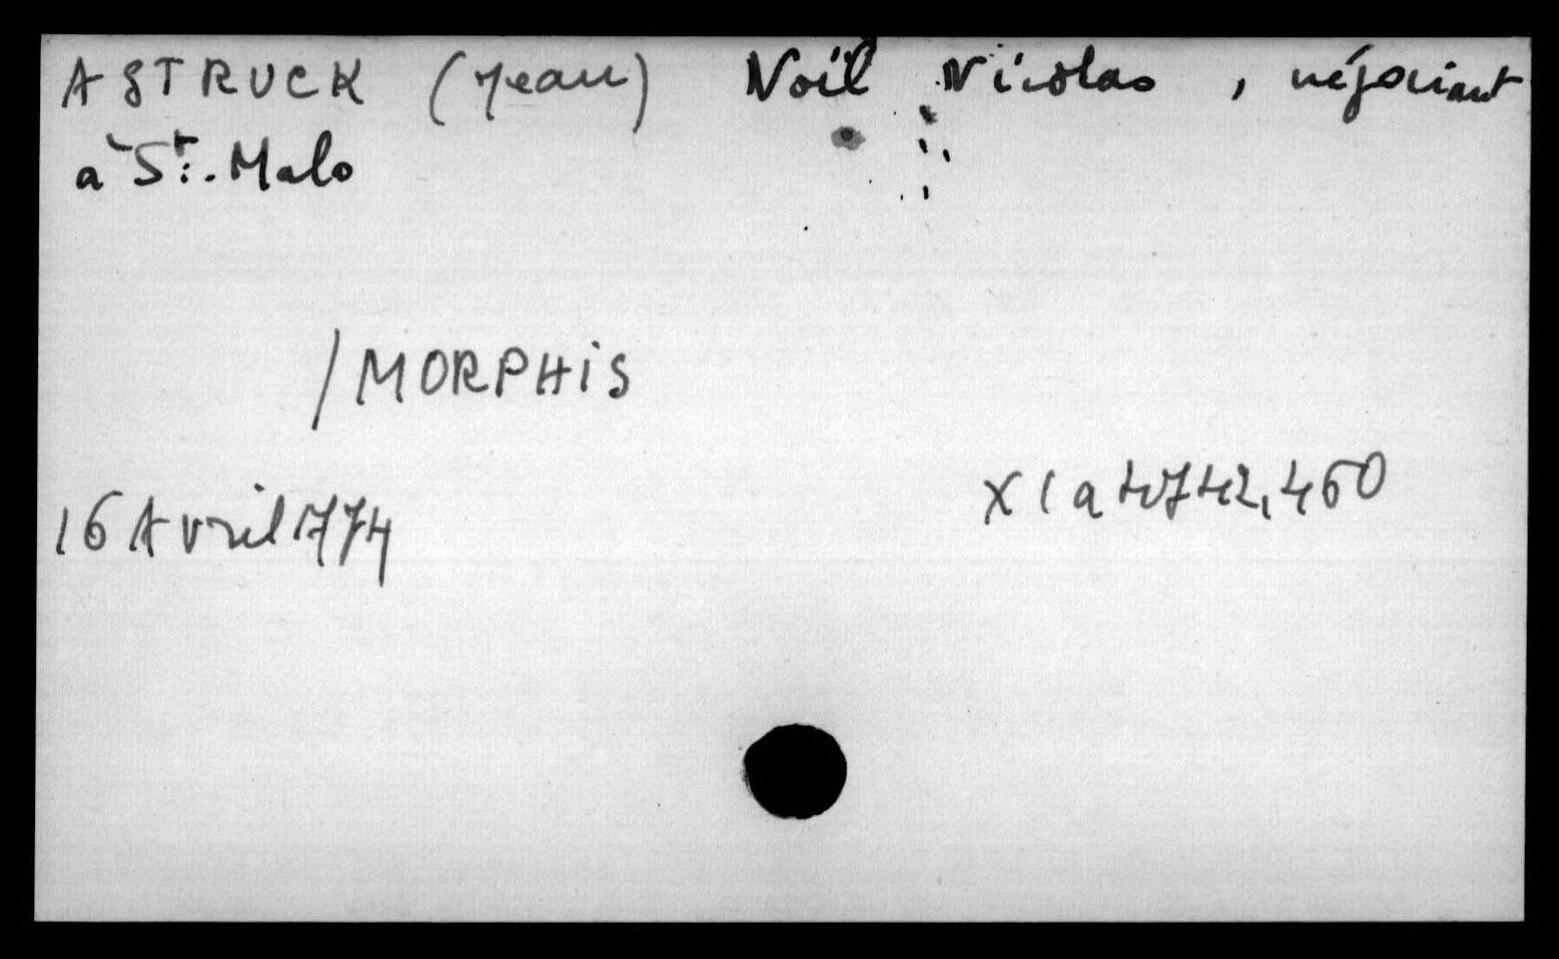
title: ASTRUCK (Jean) Noël Nicolas, négociant à Saint-Malo
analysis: Contre MORPHIS
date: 16 avril 1774
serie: X1a
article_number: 4742
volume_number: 460
